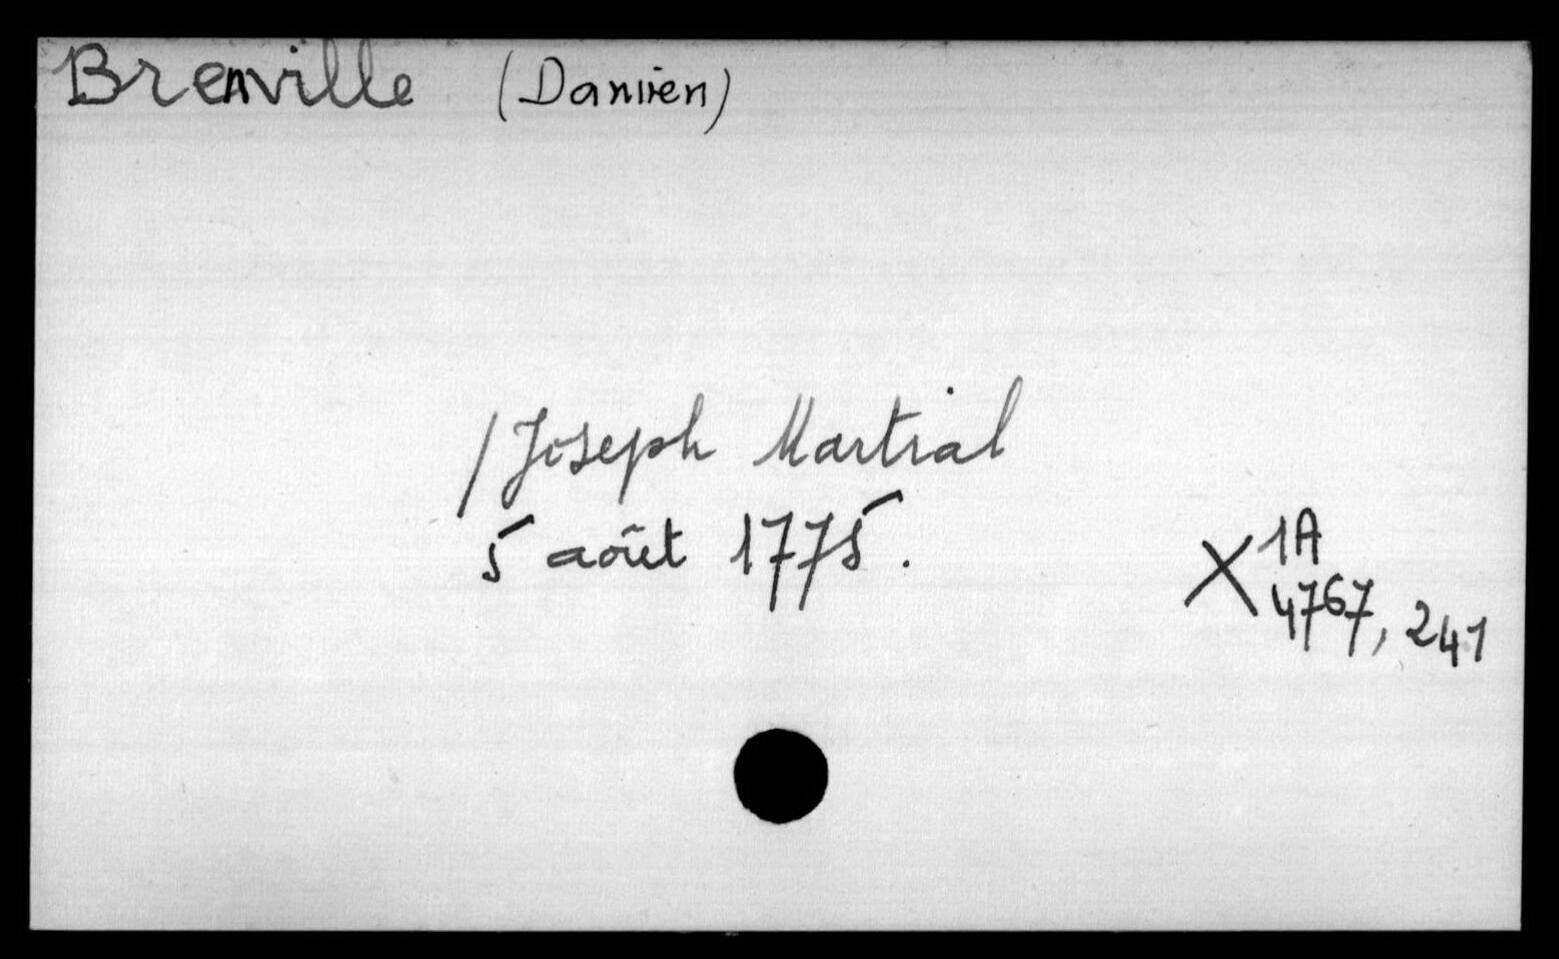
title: BREAVILLE (Damien)
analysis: Contre Joseph Martial
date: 5 août 1775
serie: X1A
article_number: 4767
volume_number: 241
